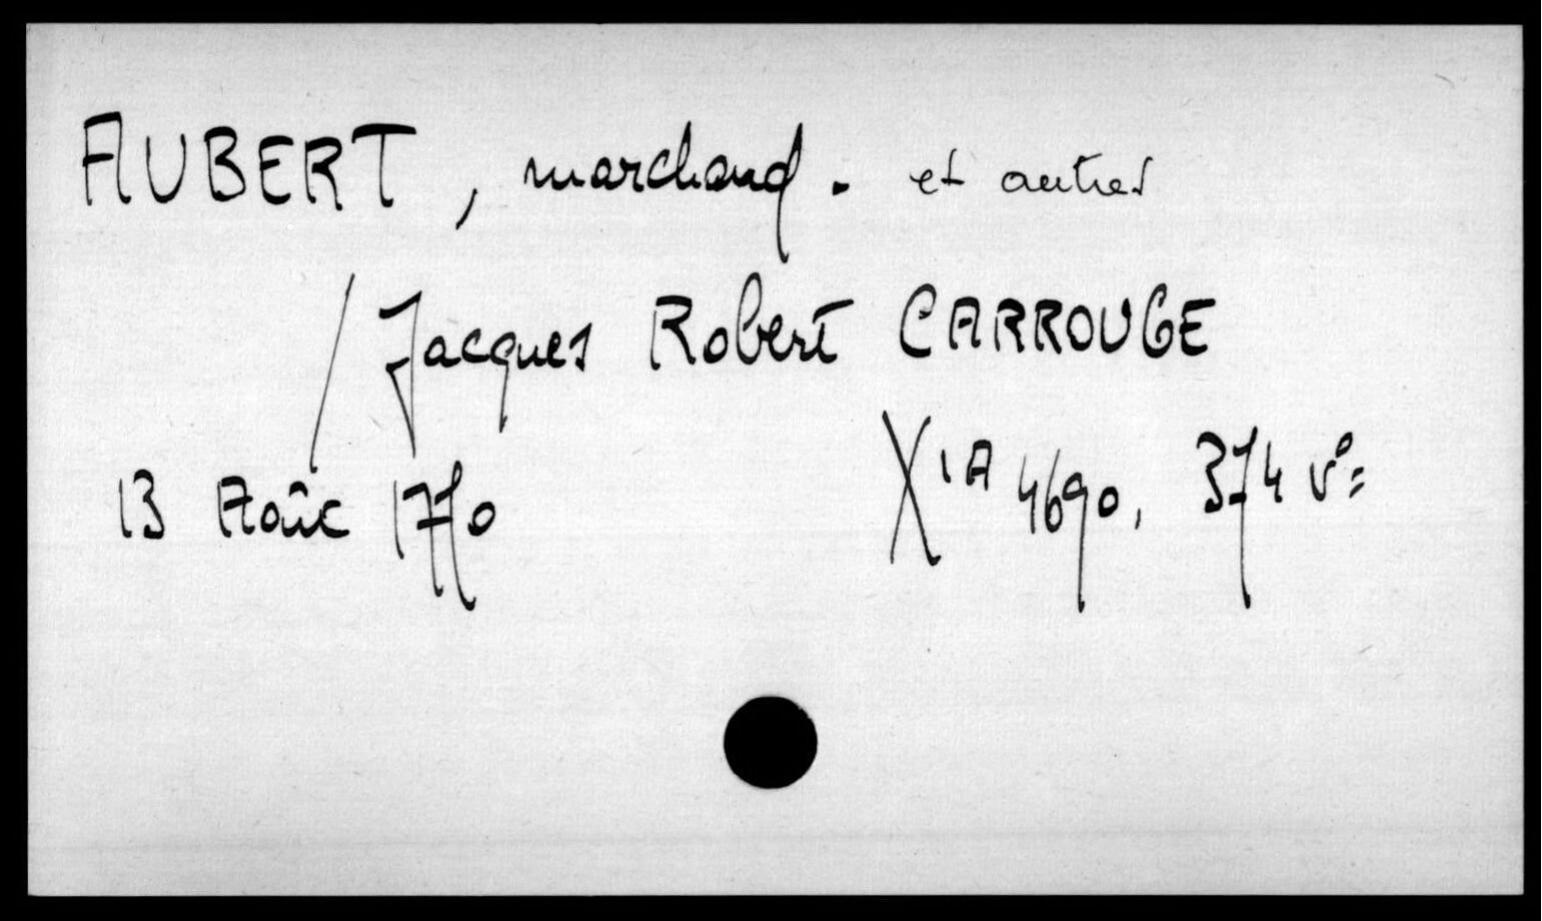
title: AUBERT, marchand et autres
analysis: Contre Jacques Robert CARROUGE
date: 13 août 1770
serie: X1A
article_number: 4690
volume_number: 374v
